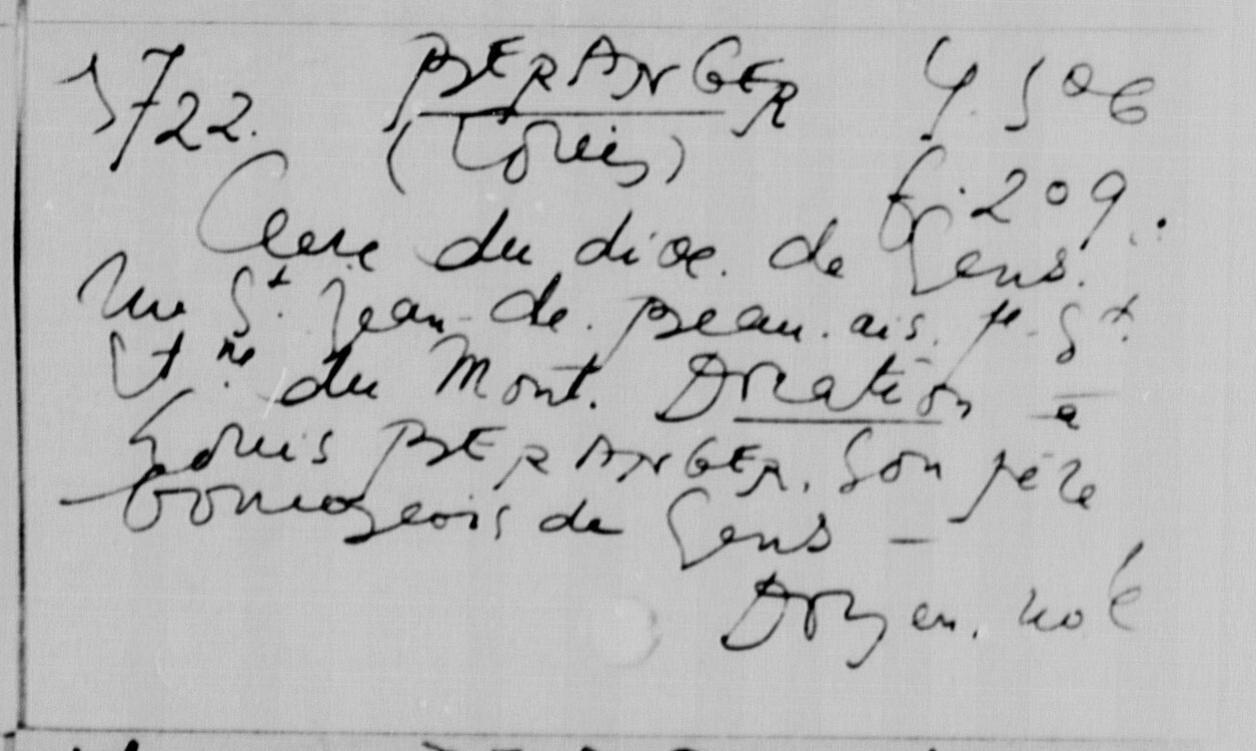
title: BERANGER (Louis)
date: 1722
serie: Y
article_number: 506
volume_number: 209
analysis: Clerc du diocèse de Lens, rue Saint-Jean-de-Beauvais, paroisse Saint-Étienne du Mont. Donation à Louis BERANGER, son père bourgeois de Lens. Doyen, notaire.
